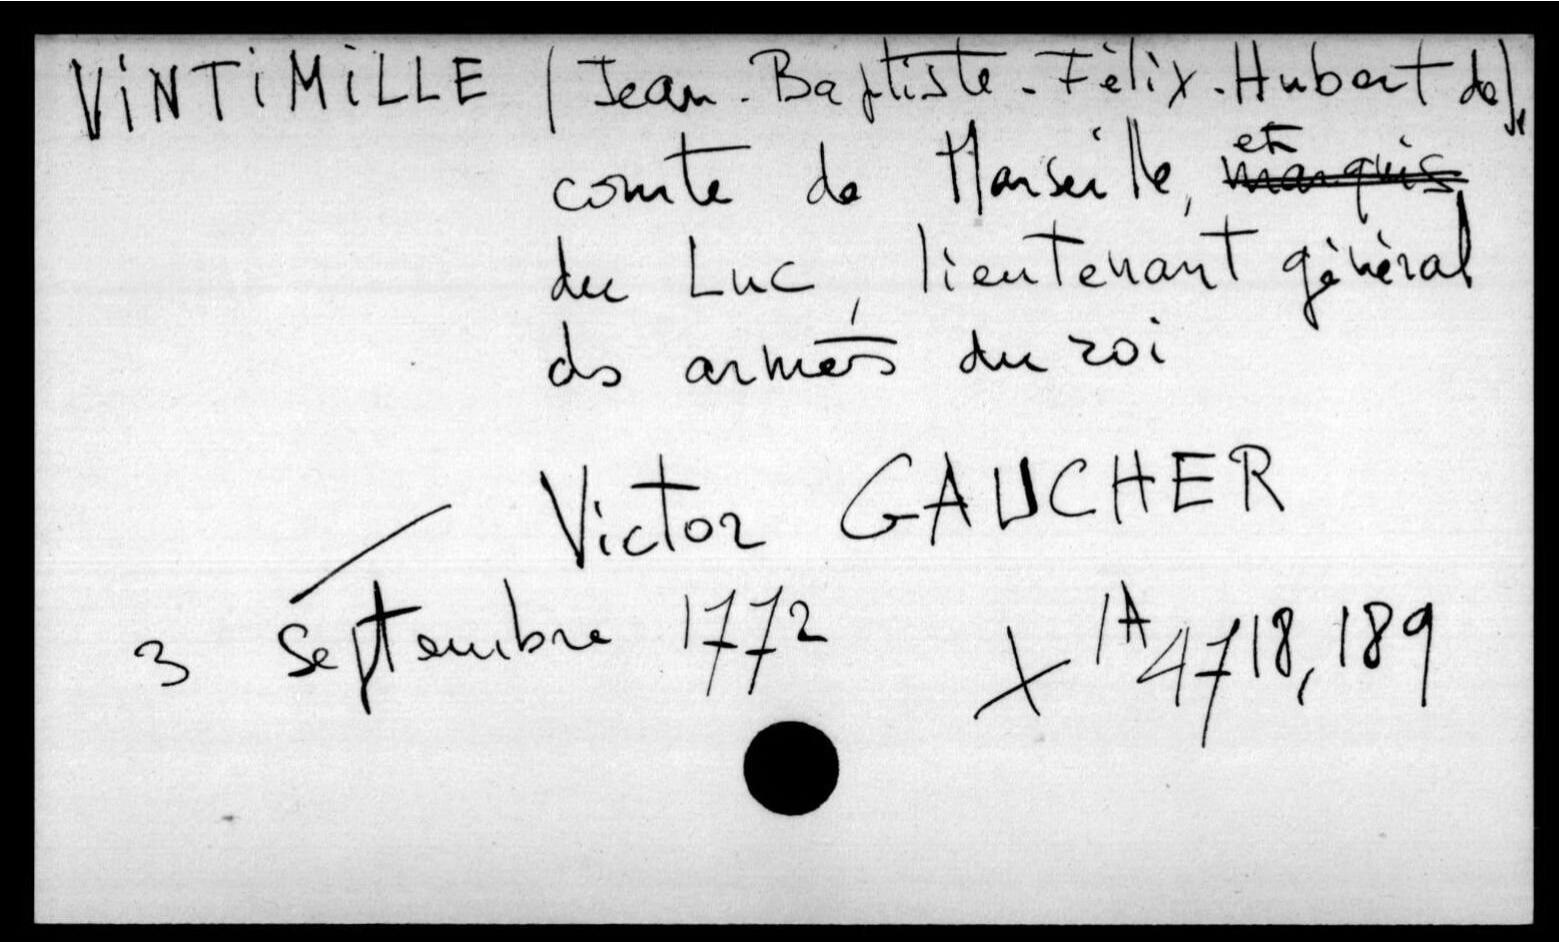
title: VINTIMILLE (Jean-Baptiste Félix-Hubert de) comte de Marseille et du Luc, lieutenant général des armées du roi
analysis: Contre Victor GAUCHER
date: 3 septembre 1772
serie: X1A
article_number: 4718
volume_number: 189
